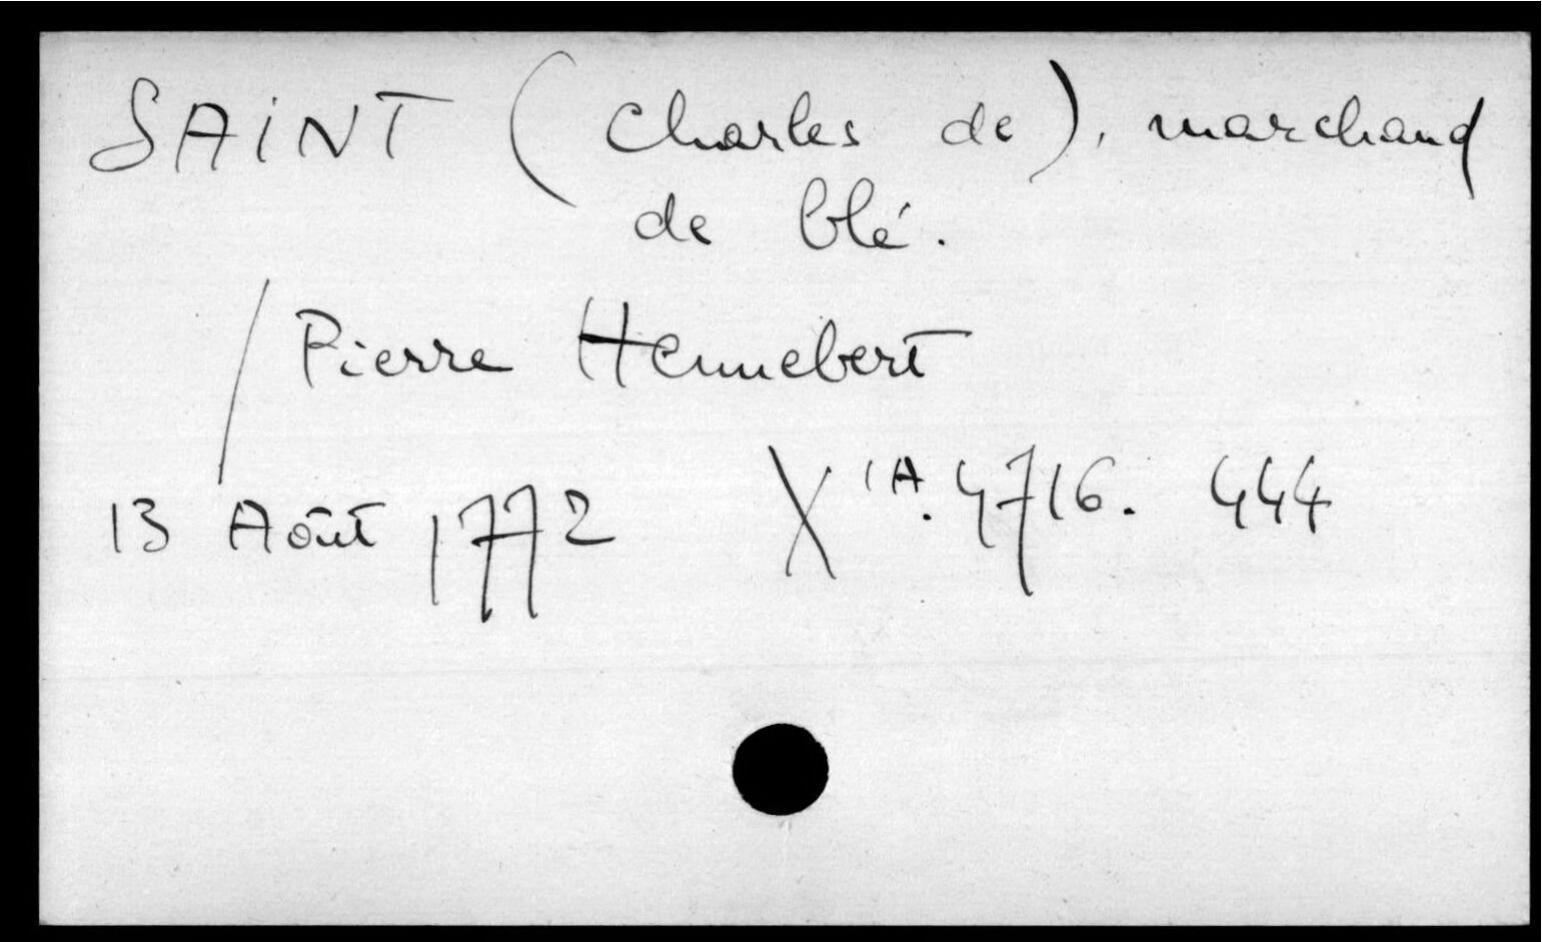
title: SAINT (Charles de), marchand de blé.
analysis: Contre Pierre Hennebert
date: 13 août 1772
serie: X1A
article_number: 4716
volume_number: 444
